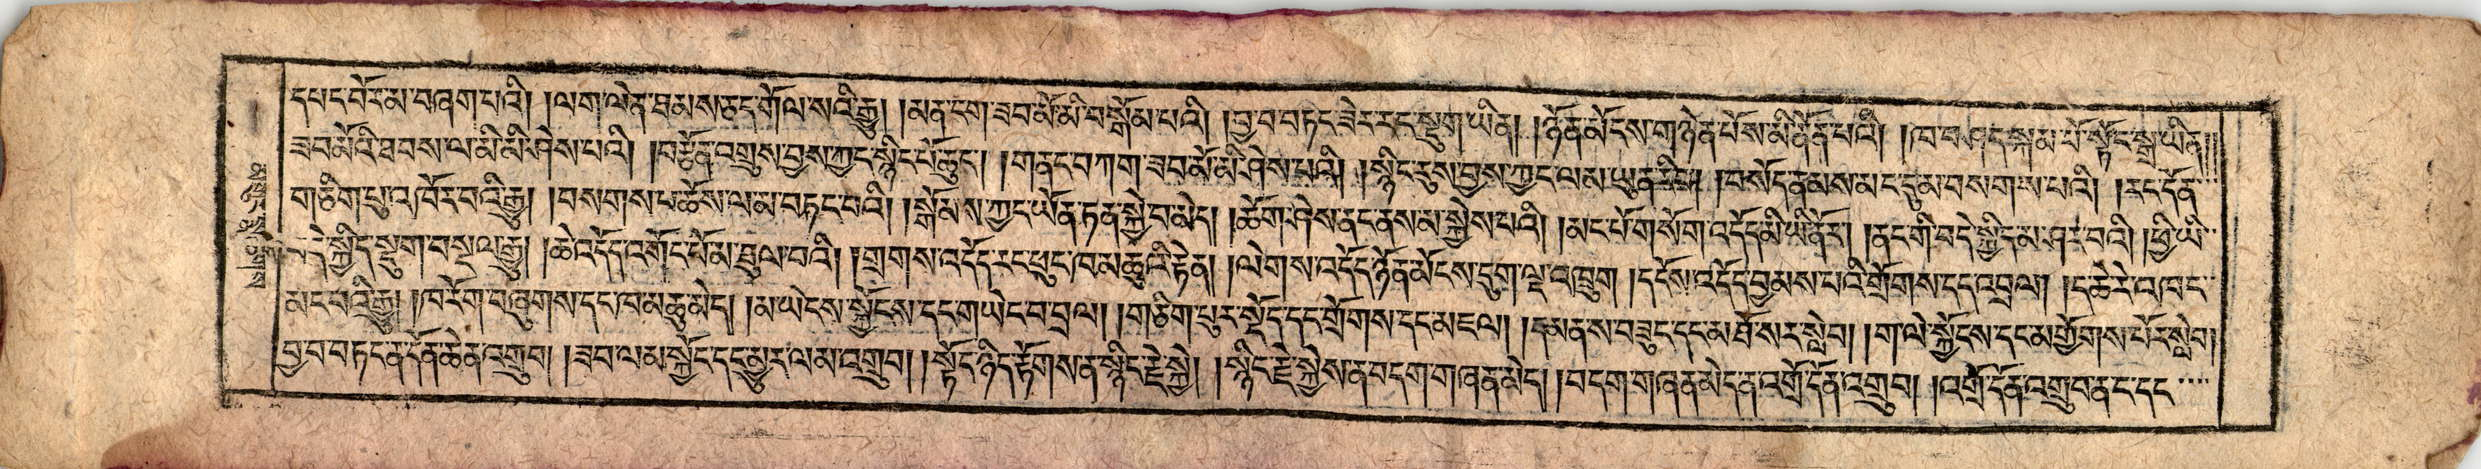དཔང་པོར་མ་བཞག་པའི། །ལག་ལེན་ཐམས་ཅད་གོལ་སའི་རྒྱུ། །མན་ངག་ཟབ་མོ་མི་བསྒོམ་པའི། །བྱ་བ་བཏང་ཟེར་རང་སྡུག་ཡིན། །ཉོན་མོངས་གཉེན་པོས་མི་ནོན་པའི། །ཁ་བཤད་སྐམ་པོ་སྟོང་སྒྲ་ཡིན། །
ཟབ་མོའི་ཐབས་ལམ་མི་ཤེས་པའི། །བརྩོད་བགྲུས་བྱས་ཀྱང་སྙིང་པོ་ཆུང་། །གནང་བཀག་ཟབ་མོ་མི་ཤེས་པའི། །སྙིང་རུས་བྱས་ཀྱང་ལམ་ཡུན་རིང་། །བསོད་རྣམས་མང་དུ་མ་བསགས་པའི། །རང་དོན་
གཅིག་པུ་འཁོར་བའི་རྒྱུ། །བསགས་པ་ཆོས་ལ་མ་བཏང་བའི། །བསྒོམས་ཀྱང་ཡོན་ཏན་སྐྱེ་བ་མེད། །ཆོག་ཤེས་ནང་ནས་མ་སྐྱེས་པའི། །མང་པོ་གསོག་འདོད་མི་ཡི་ནོར། །ནང་གི་བདེ་སྐྱིད་མ་ཤར་བའི། །ཕྱི་ཡི་
བདེ་སྐྱིད་སྡུག་བསྔལ་རྒྱུ། །ཆེ་འདོད་འགོང་པོ་མ་ཐུལ་བའི། །གྲགས་འདོད་རང་ཕུང་ཁ་མཆུའི་རྟེན། །ལེགས་འདོད་ཉོན་མོངས་དུག་ལྔ་འཁྲུག །དངོས་འདོད་བྱམས་པའི་གྲོགས་དང་འབྲལ། །ང་ཆེ་རེ་འཁང་
མང་བའི་རྒྱུ། །ཁ་རོག་བཞུགས་དང་ཁ་མཆུ་མེད། །མ་ཡེངས་སྐྱོངས་དང་གཡེང་བ་བྲལ། །གཅིག་པུར་སྡོད་དང་གྲོགས་དང་མཇལ། །དམན་ས་བཟུང་དང་མཐོ་སར་སླེབ། །ག་ལེ་སྐྱོངས་དང་མགྱོགས་པོར་སླེབ། །
བྱ་བ་བཏང་ན་དོན་ཆེན་འགྲུབ། །ཟབ་ལམ་སྐྱོང་དང་མྱུར་ལམ་འགྲུབ། །སྟོང་ཉིད་རྟོགས་ན་སྙིང་རྗེ་སྐྱེ། །སྙིང་རྗེ་སྐྱེས་ན་བདག་གཞན་མེད། །བདག་གཞན་མེད་ན་འགྲོ་དོན་འགྲུབ། །འགྲོ་དོན་འགྲུབ་ན་ང་དང་